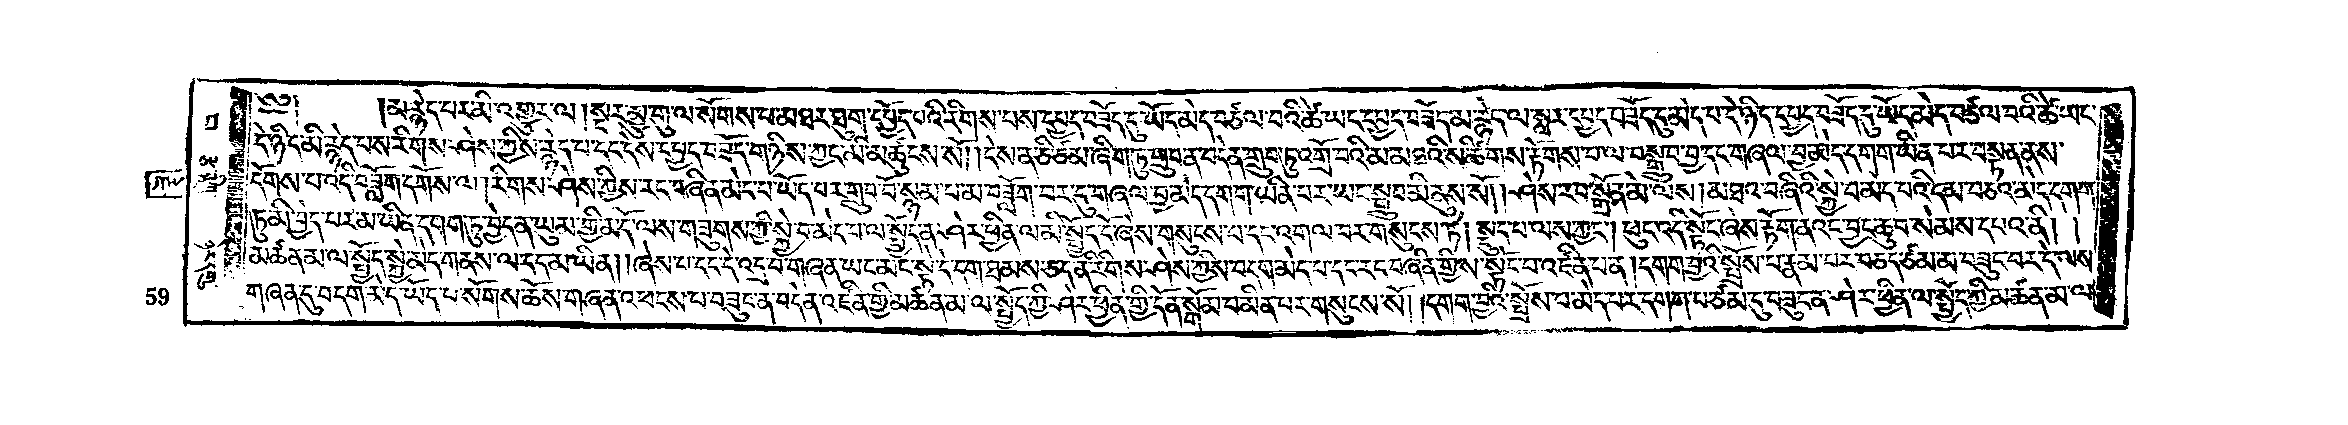༄༅། །མ་རྙེད་པར་མི་འགྱུར་ལ། སྔར་མྱུ་གུ་ལ་སོགས་པ་མཐར་ཐུག་དཔྱོད་པའི་རིགས་པས་དཔྱད་བཟོད་དུ་ཡོད་མེད་བཙལ་བའི་ཚེ་ཡང་དཔྱད་བཟོད་མ་རྙེད་ལ་སླར་དཔྱད་བཟོད་དུ་མེད་པ་དེ་ཉིད་དཔྱད་བཟོད་དུ་ཡོད་མེད་བཙལ་བའི་ཚེ་ཡང་
དེ་ཉིད་མི་རྙེད་པས་རིགས་ཤེས་ཀྱིས་རྙེད་པ་དང་དེས་དཔྱད་བཟོད་གཉིས་ཀྱང་མི་མཚུངས་སོ། །ངེས་ན་ཅི་ཙམ་ཞིག་ཏུ་གྲུབ་ན་བདེན་གྲུབ་ཏུ་འགྲོ་བའི་མ་མཐའི་ས་ཚིགས་རྟོགས་པ་ལ་བསྒྲུབ་བྱ་དང་གཞལ་བྱ་མེད་དགག་ཡིན་པར་བསྟན་ནས་
དོགས་པ་འདི་བཟློག་དགོས་ལ། རིགས་ཤེས་ཀྱིས་རང་བཞིན་མེད་པ་ཡོད་པར་གྲུབ་བོ་སྙམ་པ་མ་བཟློག་བར་དུ་གཞལ་བྱ་མེད་དགག་ཡིན་པར་ཡང་སྒྲུབ་མི་ནུས་སོ། །ཤེས་རབ་སྒྲོན་མེ་ལས། མཐའ་བཞིའི་སྐྱེ་བ་མེད་པའི་དམ་བཅའ་མེད་དགག་
ཏུ་མི་བྱེད་པར་མ་ཡིན་དགག་ཏུ་བྱེད་ན་ཡུམ་གྱི་མོད་ལས་གཟུགས་ཀྱི་སྐྱེ་བ་མེད་པ་ལ་སྤྱོད་ན་ཤེར་ཕྱིན་ལ་མི་སྤྱོད་དོ་ཞེས་གསུངས་པ་དང་འགལ་བར་གསུངས་ཏེ། སྡུད་པ་ལས་ཀྱང་། ཕུང་འདི་སྟོང་ཞེས་རྟོག་ནའང་བྱང་ཆུབ་སེམས་དཔའ་ནི། །
མཚན་མ་ལ་སྤྱོད་སྐྱེ་མེད་གནས་ལ་དད་མ་ཡིན། །ཞེས་པ་དང་དེ་འདྲ་བ་གཞན་ཡང་མང་སྟེ་དེ་དག་ཐམས་ཅད་ནི་རིགས་ཤེས་ཀྱིས་བདག་མེད་པ་དང་རང་བཞིན་གྱིས་སྟོང་པ་འཛིན་པ་ན། དགག་བྱའི་སྤྲོས་པ་རྣམ་པར་བཅད་ཙམ་མ་བཟུང་པར་དེ་ལས་
གཞན་དུ་བདག་མེད་ཡོད་པ་སོགས་ཆོས་གཞན་འཕངས་པ་བཟུང་ན་བདེན་འཛིན་གྱི་མཚན་མ་ལ་སྤྱོད་ཀྱི་ཤེར་ཕྱིན་གྱི་དོན་སྒོམ་པ་མིན་པར་གསུངས་སོ། །དགག་བྱའི་སྤྲོས་པ་མེད་པར་དགག་པ་ཙམ་དུ་བཟུང་ན་ཤེར་ཕྱིན་ལ་སྤྱོད་ཀྱི་མཚན་མ་ལ་